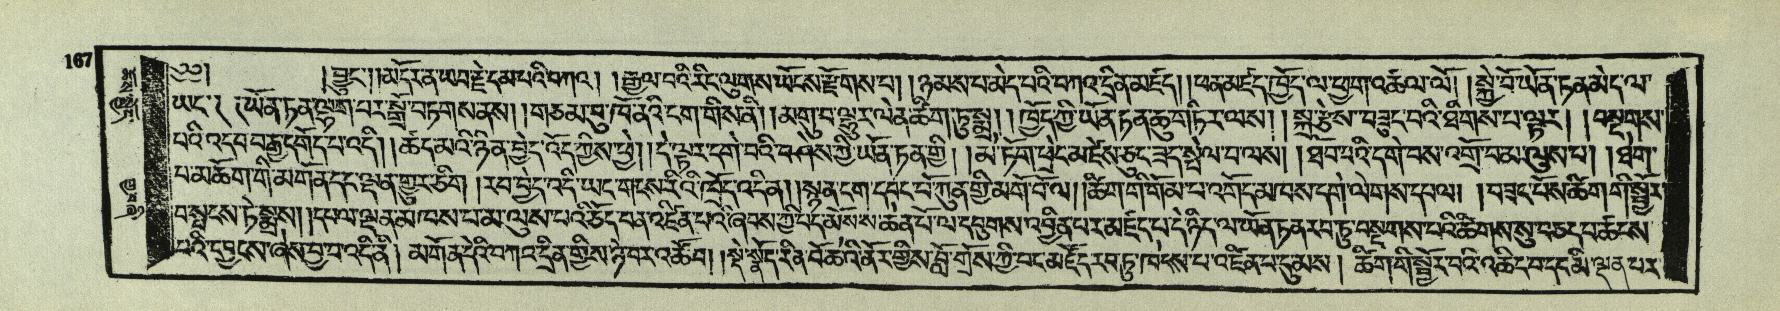༄༅། །བྱུང་། །མདོར་ན་ཡབ་རྗེ་དམ་པའི་བཀའ། །རྒྱལ་བའི་རིང་ལུགས་ཡོངས་རྫོགས་པ། །ཉམས་པ་མེད་པའི་བཀའ་དྲིན་མཛད། །ཕན་མཛད་ཁྱོད་ལ་ཕྱག་འཚལ་ལོ། །སྐྱེ་བོ་ཡོན་ཏན་མེད་ལ་
ཡང༑ ༑ཡོན་ཏན་ལྷག་པར་སྒྲོ་བཏགས་ནས། །གཅམ་བུ་ཁོ་ནའི་ངག་གིས་ནི། །མགུ་བ་ལྷུར་ལེན་ཚིག་ཏུ་སྨྲ། །ཁྱོད་ཀྱི་ཡོན་ཏན་ཆུ་གཏིར་ལས། །སྒྲ་རྩེས་བཟུང་བའི་ཐིགས་པ་ལྟར། །བསྔགས་
པའི་འདབ་བརྒྱ་དགོད་པ་འདི། །ཚད་མའི་ཉིན་བྱེད་འོད་ཀྱིས་ཕྱེ། །དེ་ལྟར་དགེ་བའི་བཤེས་ཀྱི་ཡོན་ཏན་གྱི། །མེ་ཏོག་ཕྲེང་མཛེས་ཅུང་ཟད་སྤེལ་བ་ལས། །ཐོབ་པའི་དགེ་བས་འགྲོ་བ་མ་ལུས་པ། །ཐེག་
པ་མཆོག་གི་མགོན་དང་ལྡན་གྱུར་ཅིག །རབ་བྱེད་འདི་ཡང་གངས་རིའི་ཁྲོད་འདི་ན། །སྙན་ངག་དབང་པོ་ཀུན་གྱི་མགོ་བོ་ལ། །ཚིག་གི་གོམ་པ་འགོད་མཁས་དགེ་ལེགས་དཔལ། །བཟང་པོས་ཚིག་གི་སྦྱོར་
བ་སྤངས་ཏེ་སྨྲས། །དཔལ་ལྡན་མཁས་པ་མ་ལུས་པའི་ཅོད་པན་འཛིན་པའི་ཞབས་ཀྱི་པད་མོས་ས་ཆེན་པོ་ལ་དབུགས་འབྱིན་པར་མཛད་པ་དེ་ཉིད་ལ་ཡོན་ཏན་རབ་ཏུ་བསྔགས་པའི་ཚིགས་སུ་བཅད་པ་ཚངས་
པའི་དབྱངས་ཞེས་བྱ་བ་འདི་ནི། མགོན་དེའི་བཀའ་དྲིན་གྱིས་ཉེ་བར་འཚོ་བ། །སྡེ་སྣོད་རིན་པོ་ཆེའི་ནོར་གྱིས་བློ་གྲོས་ཀྱི་བང་མཛོད་རབ་ཏུ་ཁེངས་པ་འཛིན་པ་དུ་མས། ཚིག་གི་སྦྱོར་བའི་འཆིང་བ་དང་མི་ལྡན་པར་